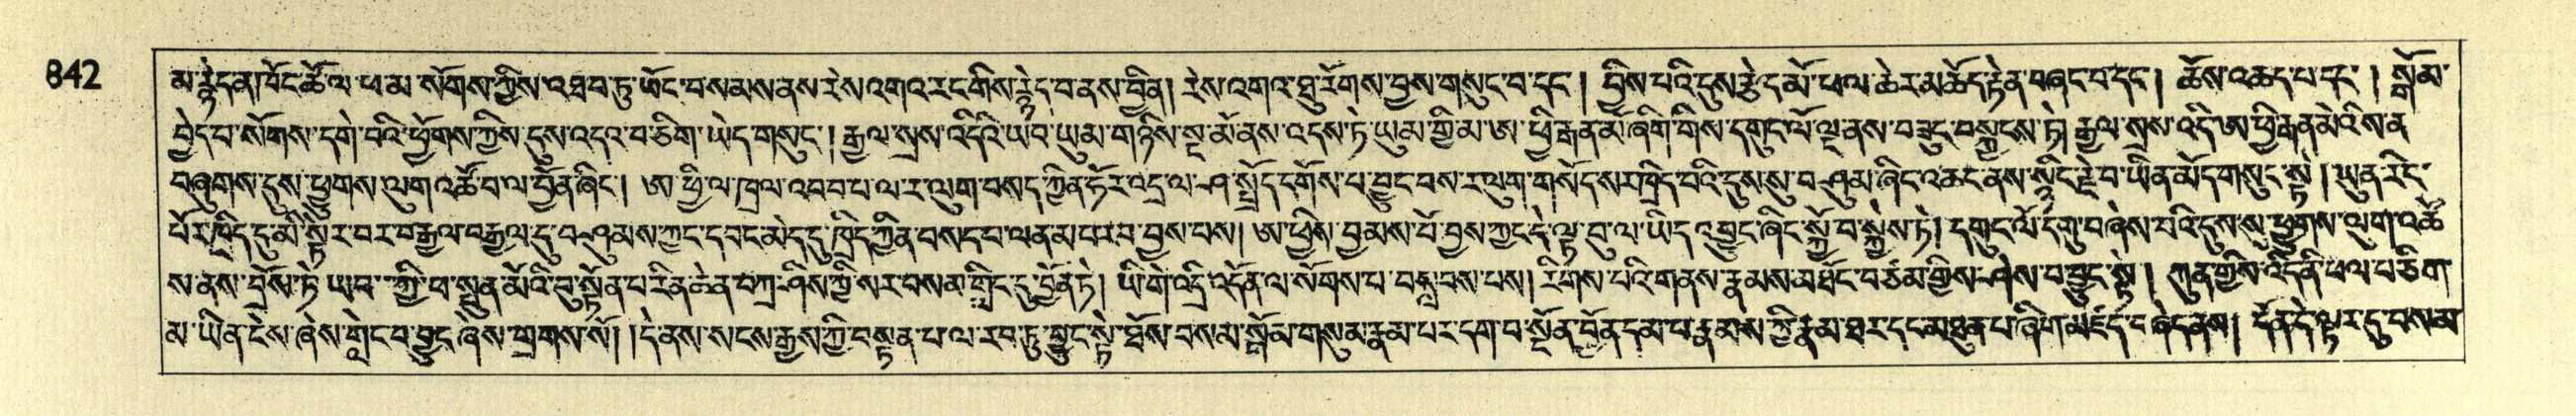མ་རྙེད་ན་ཁོང་ཆོ་ལ་ཕ་མ་སོགས་ཀྱིས་འཐབ་ཏུ་ཡོད་བ་སམས་ནས་རེས་འགའ་རང་གིས་རྙེད་བ་ནས་བྱིན། རེས་འགའ་ཐུ་རོགས་བྱས་གསུང་བ་དང་། བྱིས་པའི་དུས་རྩེད་མོ་ཕལ་ཆེར་མཆོད་རྟེན་བཞང་བ་དང་། ཆོས་འཆད་པ་དང་། སྒོམ་
བྱེད་པ་སོགས་དགེ་བའི་ཕྱོགས་ཀྱིས་དུས་འདའ་བ་ཅིག་ཡེད་གསུང་། རྒྱལ་སྲས་འདིའི་ཡབ་ཡུམ་གཉིས་སྔ་མོ་ནས་འདས་ཏེ་ཡུམ་གྱི་མ་ཨ་ཕྱི་རྒན་མོ་ཞིག་གིས་དགུང་ལོ་ལྔ་ནས་བཟུང་བསྐྱངས་ཏེ། རྒྱལ་སྲས་འདི་ཨ་ཕྱི་རྒན་མེའི་ས་ན་
བཞུགས་དུས་ཕྱུགས་ལུག་འཚོ་བ་ལ་བྱོན་ཞིང་། ཨ་ཕྱི་ལ་ཁྲལ་འབབ་པ་ལ་ར་ལུག་བསད་ཀྱིན་ཧོར་འདྲ་ལ་ཤ་སྤྲོད་དགོས་པ་བྱུང་བས་ར་ལུག་གསོད་སར་ཁྲིད་པའི་དུས་སུ་བཤུམ་ཞིང་འཆང་ནས་སྙིང་རྗེ་བ་ཡིན་མོད་གསུང་སྟེ། ཡུན་རིང་
པོར་ཁྲིད་དུ་མི་སྟེར་བར་བ་རྒྱལ་བརྒྱལ་དུ་བཤུམས་ཀྱང་དབང་མེད་དུ་ཁྲིད་ཀྱིན་བསད་བ་ལན་མ་པ་རབ་བྱས་པས། ཨ་ཕྱིས་བྱམས་པོ་བྱས་ཀྱང་དེ་ལྟ་བུ་ལ་ཡིད་འབྱུང་ཞིང་སྐྱོ་བ་སྐྱེས་ཏེ། དགུང་ལོ་དགུ་བ་ཞེས་བའི་དུས་སུ་ཕྱུགས་ལུག་འཚོ་
ས་ནས་བྲོས་ཏེ་ཡབ་ཀྱི་ཕ་སྤུན་མོའི་བུ་སྟོན་པ་རིན་ཆེན་བཀྲ་ཤིས་ཀྱི་སར་བསམ་གླིང་དུ་བྱོན་ཏེ། ཡི་གེ་འདྲི་འདོན་ལ་སོགས་པ་བསླབས་པས། རིགས་པའི་གནས་རྣམས་མཐོང་བ་ཙམ་གྱིས་ཤེས་བ་བྱུང་སྟེ། ཀུན་གྱིས་འདི་ནི་ཕལ་པ་ཅིག་
མ་ཡིན་ངེས་ཞེས་གླེང་བ་བྱུང་ཞེས་གྲགས་སོ། །དེ་ནས་སངས་རྒྱས་ཀྱི་བསྟན་པ་ལ་རབ་ཏུ་བྱུང་སྟེ་ཐོས་བསམ་སྒོམ་གསུམ་རྣམ་པར་དག་པ་སྔོན་བྱོན་དམ་པ་རྣམས་ཀྱི་རྣམ་ཐར་དང་མཐུན་པ་ཞིག་མཛད་བཞེད་ནས། དོན་དེ་ལྟར་དུ་བསམ་